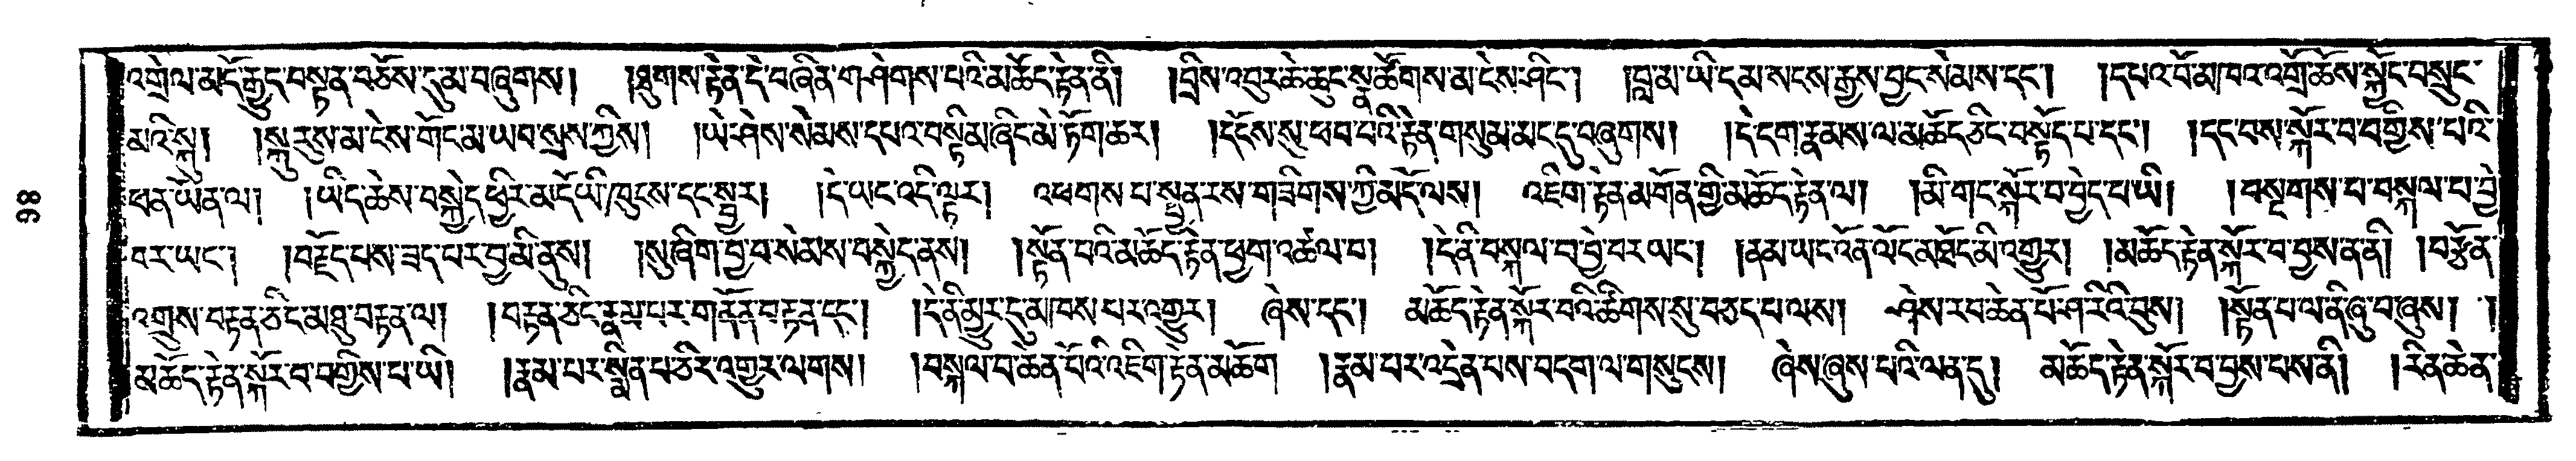འགྲེལ་མདོ་རྒྱུད་བསྟན་བཅོས་དུ་མ་བཞུགས། །ཐུགས་རྟེན་དེ་བཞིན་གཤེགས་པའི་མཆོད་རྟེན་ནི། །བྲིས་འབུར་ཆེ་ཆུང་སྣ་ཚོགས་མ་ངེས་ཤིང་། །བླ་མ་ཡི་དམ་སངས་རྒྱས་བྱང་སེམས་དང་། །དཔའ་བོ་མཁའ་འགྲོ་ཆོས་སྐྱོང་བསྲུང་
མའི་སྐུ། །སྐུ་རུས་མ་ངེས་གོང་མ་ཡབ་སྲས་ཀྱིས། །ཡེ་ཤེས་སེམས་དཔའ་བསྟིམ་ཞིང་མེ་ཏོག་ཆར། །དངོས་སུ་ཕབ་པའི་རྟེན་གསུམ་མང་དུ་བཞུགས། །དེ་དག་རྣམས་ལ་མཆོད་ཅིང་བསྟོད་པ་དང་། །དང་བས་སྐོར་བ་བགྱིས་པའི་
ཕན་ཡོན་ལ། །ཡིད་ཆེས་བསྐྱེད་ཕྱིར་མདོ་ཡི་ཁུངས་དང་སྦྱར། །དེ་ཡང་འདི་ལྟར། འཕགས་པ་སྤྱན་རས་གཟིགས་ཀྱི་མདོ་ལས། འཇིག་རྟེན་མགོན་གྱི་མཆོད་རྟེན་ལ། །མི་གང་སྐོར་བ་བྱེད་པ་ཡི། །བསྔགས་པ་བསྐལ་པ་བྱེ་
བར་ཡང་། །བརྗོད་པས་ཟད་པར་བྱ་མི་ནུས། །སུ་ཞིག་བྱ་བ་སེམས་བསྐྱེད་ནས། །སྟོན་པའི་མཆོད་རྟེན་ཕྱག་འཚལ་བ། །དེ་ནི་བསྐལ་བ་བྱེ་བར་ཡང་། །ནམ་ཡང་འོན་ལོང་མཐོང་མི་འགྱུར། །མཆོད་རྟེན་སྐོར་བ་བྱས་ན་ནི། །བརྩོན་
འགྲུས་བརྟན་ཅིང་མཐུ་བརྟན་ལ། །བརྟན་ཅིང་རྣམ་པར་གནོན་བརྟན་དང་། །དེ་ནི་མྱུར་དུ་མཁས་པར་འགྱུར། །ཞེས་དང་། མཆོད་རྟེན་སྐོར་བའི་ཚིགས་སུ་བཅད་པ་ལས། ཤེས་རབ་ཆེན་པོ་ཤ་རིའི་བུས། །སྟོན་པ་ལ་ནི་ཞུ་བ་ཞུས། །
མཆོད་རྟེན་སྐོར་བ་བགྱིས་པ་ཡི། །རྣམ་པར་སྨིན་པ་ཅིར་འགྱུར་ལགས། །བསྐལ་པ་ཆེན་པོའི་འཇིག་རྟེན་མཆོག །རྣམ་པར་འདྲེན་པས་བདག་ལ་གསུངས། ཞེས་ཞུས་པའི་ལན་དུ། མཆོད་རྟེན་སྐོར་བ་བྱས་པས་ནི། །རིན་ཆེན་